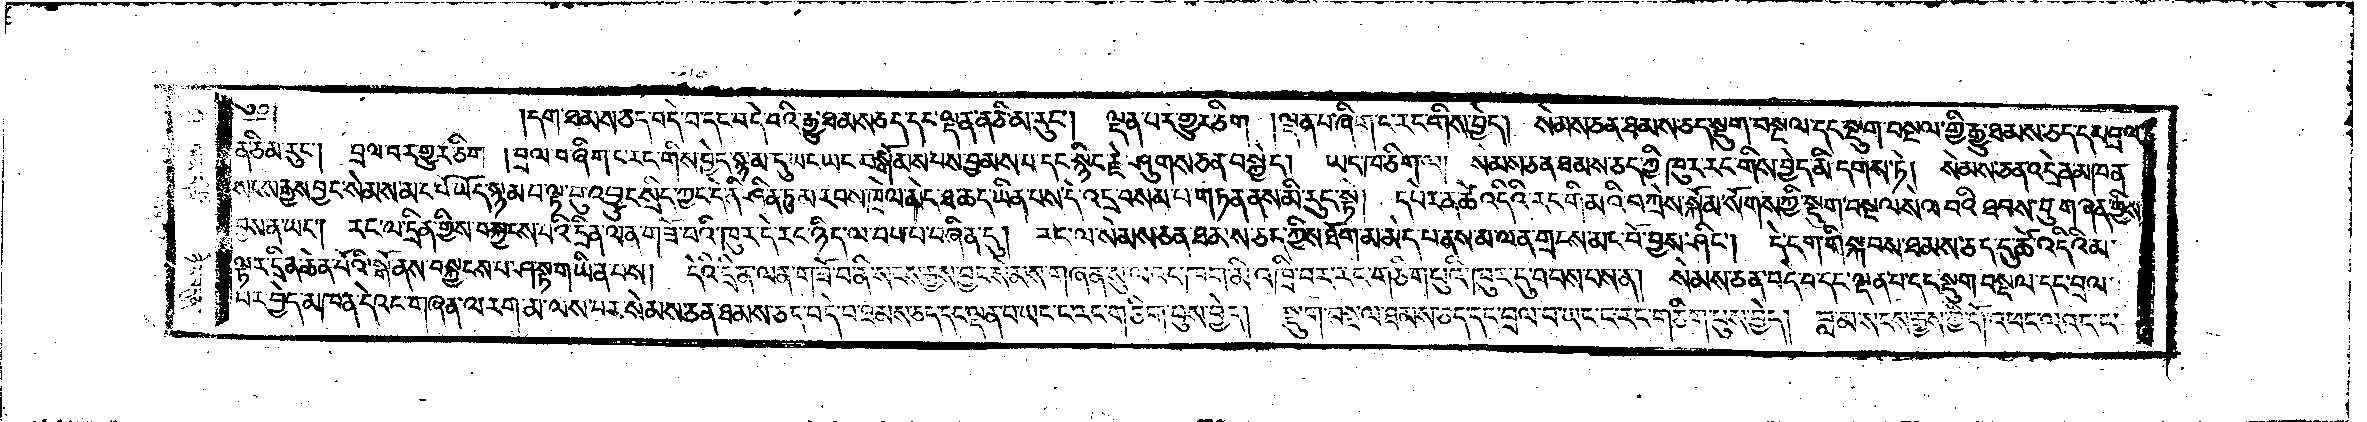༄༅། །དག་ཐམས་ཅད་བདེ་བ་དང་བདེ་བའི་རྒྱུ་ཐམས་ཅད་དང་ལྡན་ན་ཅི་མ་རུང་། ལྡན་པར་གྱུར་ཅིག །ལྡན་པ་ཞིག་ང་རང་གིས་བྱེད། སེམས་ཅན་ཐམས་ཅད་སྡུག་བསྔལ་དང་སྡུག་བསྔལ་གྱི་རྒྱུ་ཐམས་ཅད་དང་བྲལ་
ན་ཅི་མ་རུང་། བྲལ་བར་གྱུར་ཅིག །བྲལ་བ་ཞིག་ང་རང་གིས་བྱེད་སྙམ་དུ་ཡང་ཡང་བསྒོམས་པས་བྱམས་པ་དང་སྙིང་རྗེ་ཤུགས་ཅན་བསྐྱེད། ཡང་ཁ་ཅིག་ལ། སེམས་ཅན་ཐམས་ཅད་ཀྱི་ཁུར་རང་གིས་བྱེད་མི་དགོས་ཏེ། སེམས་ཅན་འདྲེན་མཁན་
སངས་རྒྱས་བྱང་སེམས་མང་པོ་ཡོད་སྙམ་པ་ལྟ་བུ་འབྱུང་སྲིད་ཀྱང་དེ་ནི་ཤིན་ཏུ་མ་རབས་ཁྲེལ་མེད་ཐ་ཆད་ཡིན་པས་དེ་འདྲ་བསམ་པ་གཏན་ནས་མི་རུང་སྟེ། དཔེར་ན་ཚེ་འདིའི་རང་གི་མའི་བཀྲེས་སྐོམ་སོགས་ཀྱི་སྡུག་བསྔལ་སེལ་བའི་ཐབས་བུ་གཞན་གྱིས་
བྱས་ན་ཡང་། རང་ལ་དྲིན་གྱིས་བསྐྱངས་པའི་དྲིན་ལན་གཟོ་བའི་ཁུར་དེ་རང་ཉིད་ལ་བབ་པ་བཞིན་དུ། རང་ལ་སེམས་ཅན་ཐམས་ཅད་ཀྱིས་ཐོག་མ་མེད་པ་ནས་མ་ལན་གྲངས་མང་པོ་བྱས་ཤིང་། དེ་དག་གི་སྐབས་ཐམས་ཅད་དུ་ཚེ་འདིའི་མ་
ལྟར་དྲིན་ཆེན་པོའི་སྒོ་ནས་བསྐྱངས་པ་ཤ་སྟག་ཡིན་པས། དེའི་དྲིན་ལན་གཟོ་བ་ནི་སངས་རྒྱས་བྱང་སེམས་གཞན་སུ་ལའང་ཁག་མི་འཁྲི་བར་རང་གཅིག་པུའི་ཁུར་དུ་བབས་པས་ན། སེམས་ཅན་བདེ་བ་དང་ལྡན་པ་དང་སྡུག་བསྔལ་དང་བྲལ་
བར་བྱེད་མཁན་དེའང་གཞན་ལ་རག་མ་ལས་པར་སེམས་ཅན་ཐམས་ཅད་བདེ་བ་ཐམས་ཅད་དང་ལྡན་པ་ཡང་ང་རང་གཅིག་བུས་བྱེད། སྡུག་བསྔལ་ཐམས་ཅད་དང་བྲལ་བ་ཡང་ང་རང་གཅིག་པུས་བྱེད། བླ་མ་སངས་རྒྱས་ཀྱི་གོ་འཕང་ལའང་ང་